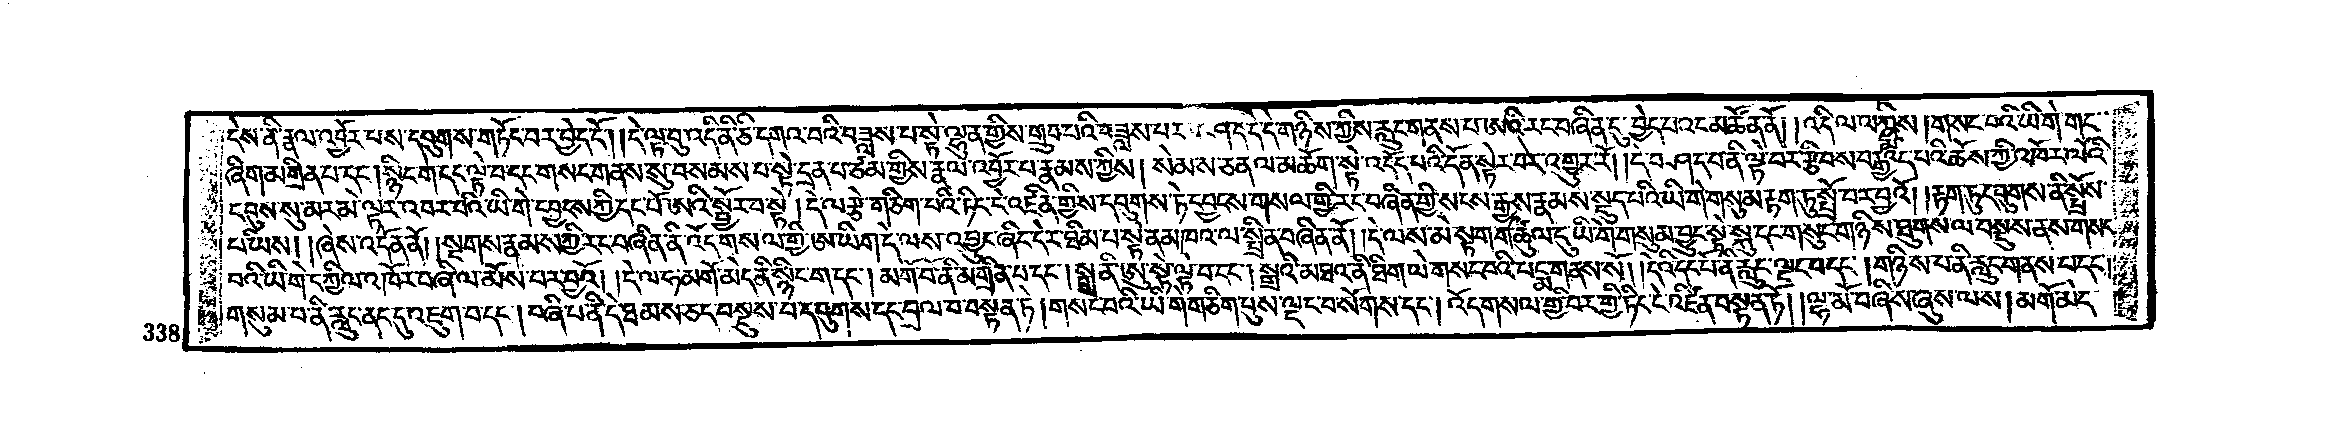དེས་ནི་རྣལ་འབྱོར་པས་དབུགས་གཏོང་བར་བྱེད་དོ། །དེ་ལྟ་བུ་འདི་ནི་ཅི་དགའ་བའི་བཟླས་པ་སྟེ་ལྷུན་གྱིས་གྲུབ་པའི་བཟླས་པར་བཤད་དེ་དེ་གཉིས་ཀྱིས་རླུང་གནས་པ་ཨཱི་རང་བཞིན་དུ་བྱེད་པའང་མཚོན་ནོ། །འདི་ལ་ལཀྵྨཱིས། གསང་བའི་ཡི་གེ་གང་
ཞིག་མགྲིན་པ་དང་། སྙིང་ག་དང་ལྟེ་བ་དང་གསང་གནས་སུ་བསམས་པ་སྟེ་དྲན་པ་ཙམ་གྱིས་རྣལ་འབྱོར་པ་རྣམས་ཀྱིས། སེམས་ཅན་ལ་མཆོག་སྟེ་འདོད་པའི་དོན་སྟེར་བར་འགྱུར་རོ། །དེ་བཤད་པ་ནི་ལྟེ་བར་རྩིབས་བརྒྱད་པའི་ཆོས་ཀྱི་འཁོར་ལོའི་
དབུས་སུ་མར་མེ་ལྟར་འབར་བའི་ཡི་གེ་དབྱངས་ཀྱི་དང་པོ་ཨཱི་སྦྱོར་བ་སྟེ། དེ་ལ་རྩེ་གཅིག་པའི་ཏིང་ངེ་འཛིན་གྱིས་དབུགས་ཏེ་དབྱངས་གསལ་གྱི་རང་བཞིན་གྱི་སངས་རྒྱས་རྣམས་སྡུད་པའི་ཡི་གེ་གསུམ་རྟག་ཏུ་སྤྲོ་བར་བྱའོ། །རྟག་ཏུ་དབུགས་ནི་སྤྲོས་
པ་ཡིས། །ཞེས་འདོན་ནོ། །སྔགས་རྣམས་ཀྱི་རང་བཞིན་ནི་འོད་གསལ་གྱི་ཨ་ཡིག་དེ་ལས་འབྱུང་ཞིང་དེར་ཐིམ་པ་སྟེ་ནམ་མཁའ་ལ་སྤྲིན་བཞིན་ནོ། །དེ་ལས་མེ་སྟག་གི་ཚུལ་དུ་ཡི་གེ་གསུམ་བྱུང་སྟེ་སྐུ་དང་གསུང་གཉིས་ཐུགས་ལ་བསྡུས་ནས་གསང་
བའི་ཡི་གེ་དཀྱིལ་འཁོར་བཞི་ལ་མོས་པར་བྱའོ། །དེ་ལ་ཧ་མགོ་མེད་ནི་སྙིང་ག་དང་། མགོ་བོ་ནི་མགྲིན་པ་དང་། སྒྲ་ནི་ཨུ་སྟེ་ལྟེ་བ་དང་། སྒྲའི་མཐའ་ནི་ཐིག་ལེ་གསང་བའི་པདམ་གནས་སོ། །དེའི་དང་པོ་ནི་རླུང་ལྡང་བ་དང་། གཉིས་པ་ནི་རླུང་གནས་པ་དང།།
གསུམ་པ་ནི་རླུང་ནང་དུ་འཇུག་པ་དང་། བཞི་པ་ནི་དེ་ཐམས་ཅད་བསྡུས་པ་དབུགས་དང་བྲལ་བ་བསྟན་ཏེ། གསང་བའི་ཡི་གེ་གཅིག་པུས་ལྡང་བ་སོགས་དང་། འོད་གསལ་གྱི་བར་གྱི་ཏིང་ངེ་འཛིན་བསྟན་ཏོ། །ལྷ་མོ་བཞིས་ཞུས་ལས། མགོ་མེད་